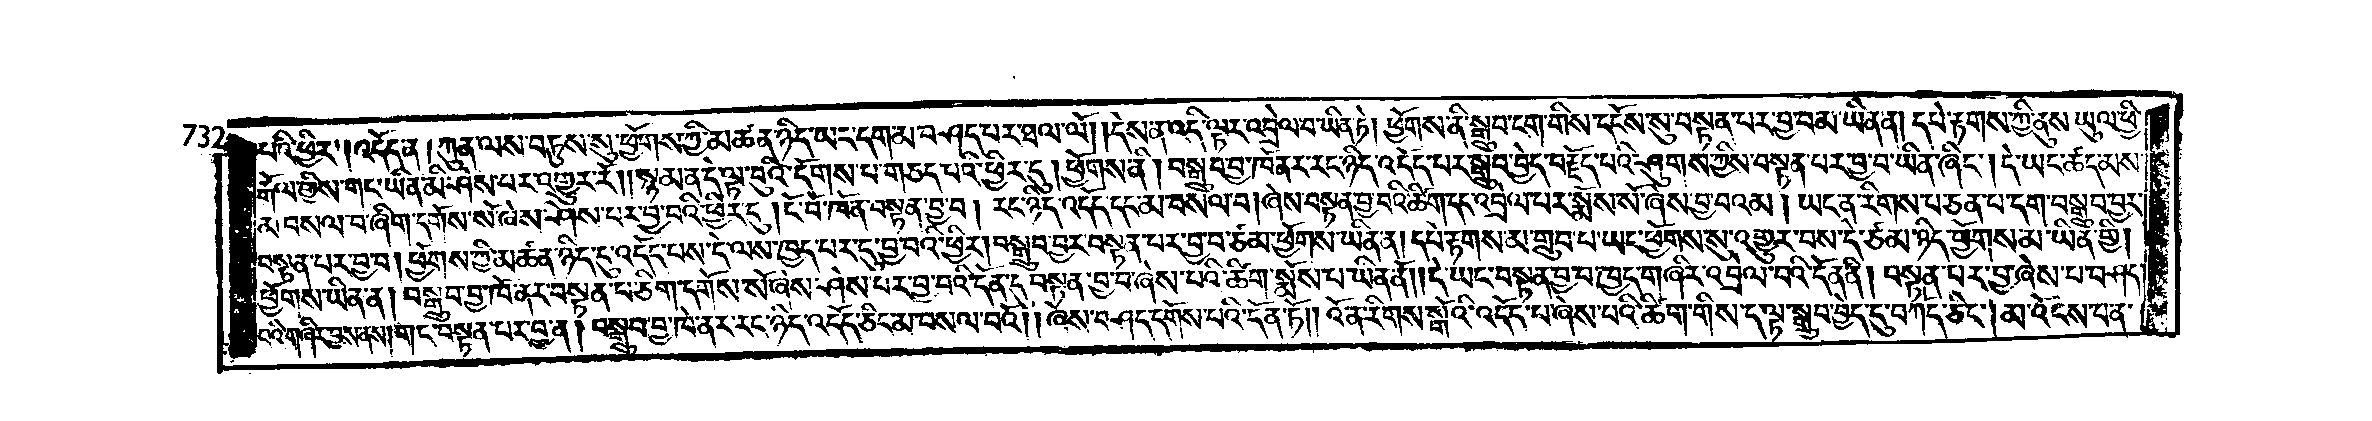པའི་ཕྱིར། འདོད་ན། ཀུན་ལས་བཏུས་སུ་ཕྱོགས་ཀྱི་མཚན་ཉིད་ཡང་དག་མ་བཤད་པར་ཐལ་ལོ། །དེས་ན་འདི་ལྟར་འབྲེལ་བ་ཡིན་ཏེ། ཕྱོགས་ནི་སྒྲུབ་ངག་གིས་དངོས་སུ་བསྟན་པར་བྱ་བ་མ་ཡིན་ན། དཔེ་རྟགས་ཀྱི་ནུས་ཡུལ་ཕྱི་
རྒོལ་གྱིས་གང་ཡིན་མི་ཤེས་པར་འགྱུར་རོ། །སྙམ་ན་དེ་ལྟ་བུའི་དོགས་པ་གཅད་པའི་ཕྱིར་དུ། ཕྱོགས་ནི། བསྒྲུབ་བྱ་ཁོ་ནར་རྣག་ཉིད་འདོད་པར་སྒྲུབ་བྱེད་བརྗོད་པའི་ཤུགས་ཀྱིས་བསྟན་པར་བྱ་བ་ཡིན་ཞིང་། དེ་ཡང་ཚད་མས་
མ་བསལ་བ་ཞིག་དགོས་སོ་ཞེས་ཤེས་པར་བྱ་བའི་ཕྱིར་དུ། ངོ་བོ་ཁོ་ན་བསྟན་བྱ་བ། རང་ཉིད་འདོད་དང་མ་བསལ་བ། ཞེས་བསྟན་བྱ་བའི་ཚིག་དང་འབྲེལ་བར་སྨོས་སོ་ཞེས་བྱ་བའམ། ཡང་ན་རིགས་པ་ཅན་པ་དག་བསྒྲུབ་བྱར་
བསྟན་པར་བྱ་བ། ཕྱོགས་ཀྱི་མཚན་ཉིད་དུ་འདོད་པས་དེ་ལས་ཁྱད་པར་དུ་བྱ་བའི་ཕྱིར། བསྒྲུབ་བྱར་བསྟན་པར་བྱ་བ་ཙམ་ཕྱོགས་ཡིན་ན། དཔེ་རྟགས་མ་གྲུབ་པ་ཡང་ཕྱོགས་སུ་འགྱུར་བས་དེ་ཙམ་ཉི་ཕྱོགས་མ་ཡིན་གྱི། ཕྱོགས་ཡིན་ན། བསྒྲུབ་བྱ་ཁོ་ནར་བསྟན་པ་ཅིག་དགོས་སོ་ཞེས་ཤེས་པར་བྱ་བའི་དོན་དུ་བསྟན་བྱ་བ་ཟེཧས་པའི་ཚིག་སྨོས་པ་ཡིན་ནོ། །དེ་ཡང་བསྟན་བྱ་བ་ཁྱད་གཞིར་འབྲེལ་བའི་དོན་ནི། བསྟན་པར་བྱ་ཞེས་པ་བཤད་
པའི་གཞིར་བྱས་ནས། གང་བསྟན་པར་བྱ་ན། བསྒྲུབ་བྱ་ཁེ་ནར་རང་ཉིད་འདོད་ཅིང་མ་བསལ་བའོ། །ཞེས་བཤད་དགོས་པའི་དོན་ཏོ། །འོ་ན་རིགས་སྒོའི་འདོད་པ་ཞེས་པའི་ཚིག་གིས་ད་ལྟ་སྒྲུབ་བྱེད་དུ་བདོད་ཅིང་། མ་འོང་པ་ན་